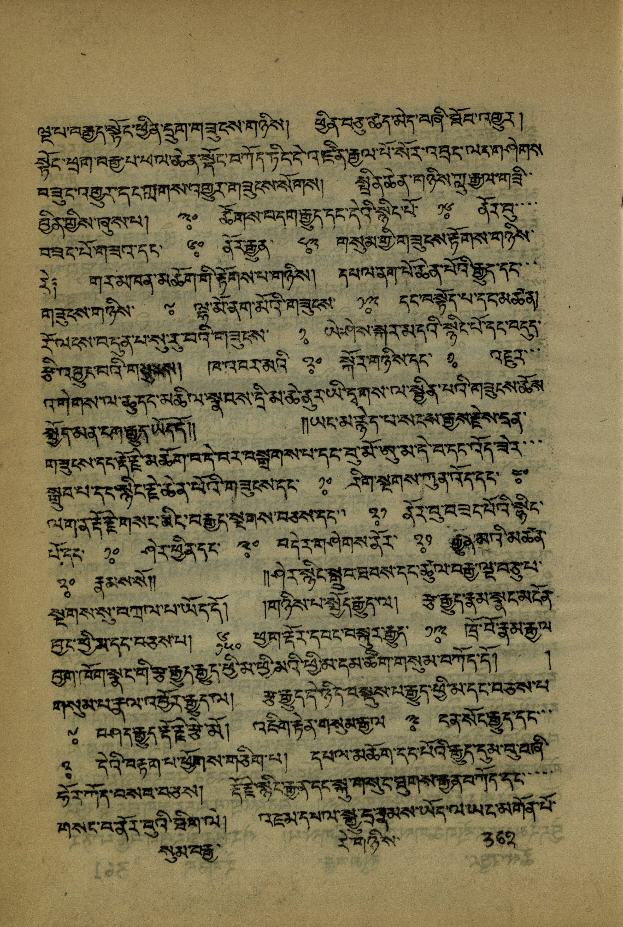ལྔ་པ་བརྒྱད་སྟོང་ཕྱིན་དྲུག་གཟུངས་གཉིས། ཕྱིན་བཅུ་ཚད་མེད་བཞི་ཐོབ་འགྱུར།
སྟོང་ཕྲག་བརྒྱ་པ་ཕལ་ཆེན་སྡོང་བཀོད་ཏིང་ངེས་འཛིན་རྒྱལ་པོ་སོར་འབྲང་ལང་གཤེགས་
བཟུང་འགྱུར་དང་ཀླགས་འགྱུར་གཟུངས་སོགས། སྤྲིན་ཆེན་གཉིས་ཀླུ་རྒྱལ་གཟི་
བྱིན་གྱིས་ཞུས་པ། ༣༠་ཚོགས་བདག་རྒྱུད་དང་དེའི་སྙིང་པོ ༡༦་ནོར་བུ་
བཟང་པོ་གཟའ་དང ༦༠་ནོར་རྒྱུན ༨༣་གསུམ་གྱི་གཟུངས་རྟོགས་གཉིས་
རེ༑ གར་མཁན་མཆོག་གི་རྟོགས་པ་གཉིས། དཔལ་ནག་པོ་ཆེན་པོའི་རྒྱུད་དང་
གཟུངས་གཉིས ༧་ལྷ་མོ་ནག་མོའི་གཟུངས ༡༣་དང་བསྟོབས་པ་དང་མཚན།
རོ་ལངས་བདུན་པ་སུ་རུ་བའི་གཟུངས ༡་ཡེ་ཤེས་སྐར་མདའི་སྙིང་པོ་དང་བདུད་
རྩི་འབྱུང་པའི་གཟུངས། ཁ་འབར་མའི ༢༠་སྐོར་གཉིས་དང ༡་འཇུར་
འགེགས་ལ་ཆུ་དང་མཆིལ་སྣབས་དྲི་མ་ཆེ་ནུར་ཡི་དྭགས་ལ་སྦྱིན་པའི་གཟུངས་ཆོས་
སྤྱོད་མན་ངག་རྒྱུད་ཡོད་དོ།། །།ཡང་མ་རྙེད་པ་སངས་རྒྱས་རྗེས་དྲན་
གཟུངས་དང་རྡོ་རྗེ་མཆོག་བ་དེ་བར་བསྒྲགས་པ་དང་བུ་མོ་ཨུ་མ་དེ་བ་དང་འོད་ཟེར་
སྒྲུབ་པ་དང་སྙིང་རྗེ་ཆེན་པོའི་གཟུངས་དང་། ༡༠་རེག་སྔགས་ཀུན་འོད་དག ༤༠
ལག་ན་རྡོ་རྗེ་གསང་མིང་བརྒྱད་སྔགས་བཅས་དང ༢༡་ནོར་བུ་བཟང་པོའི་སྙིང་
པོ་དང ༡༠་ཤེར་ཕྱིན་དང ༢༠་བདེར་གཤེགས་ནོར ༢༡་རྒྱུན་མའི་མཚན་
༢༠་རྣམས་སོ།། །།ཤེར་སྙིང་སྒྲུབ་ཐབས་དང་ཚུལ་བརྒྱ་ལྡན་བཅུ་པ་
སྔགས་སུ་བཀྲལ་བ་ཡོད་དོ། །གཉིས་པ་སྤྱོད་རྒྱུད་ལ། རྩ་རྒྱུད་རྣམ་སྣང་མངོན་
བྱང་ཕྱི་མ་དང་བཅས་པ། ༦༡༥༠་ཕྱག་རྡོར་དབང་བསྐུར་རྒྱུད ༡༣་ཁྲོ་བོ་རྣམ་རྒྱལ་
བྱ་ག་ཁོག་སྣང་གི་རྩ་རྒྱུད་རྒྱུད་ཕྱི་མ་ཕྱི་མ་དམ་ཚིག་གསུམ་བཀོད་དོ། །
གསུམ་པ་རྣལ་འབྱོར་རྒྱུད་ལ། རྩ་རྒྱུད་དེ་ཉིད་བསྡུས་པ་རྒྱུད་ཕྱི་མ་དང་བཅས་པ་
༧་བཤད་རྒྱུད་རྡོ་རྗེ་རྩེ་མོ། འཇིག་རྟེན་གསུམ་རྒྱལ ༣་ངན་སོང་རྒྱུད་དང་
༢་དེའི་བརྟག་པ་ཕྱོགས་གཅིག་པ། དཔལ་མཆོག་དང་པོའི་རྒྱུད་དུམ་བུ་བཞི་
ཧོར་ཀོད་བསབ་བཅས། རྡོ་རྗེ་སྙིང་རྒྱན་དང་སྐུ་གསུང་ཐུགས་རྒྱན་བཀོད་དང་
གསང་བ་ནོར་བུའི་ཐིག་ལེ། འཇམ་དཔལ་སྐྱུ་དྲ་རྣམས་ཡོད་ལ་ཡང་མགོན་པོ་